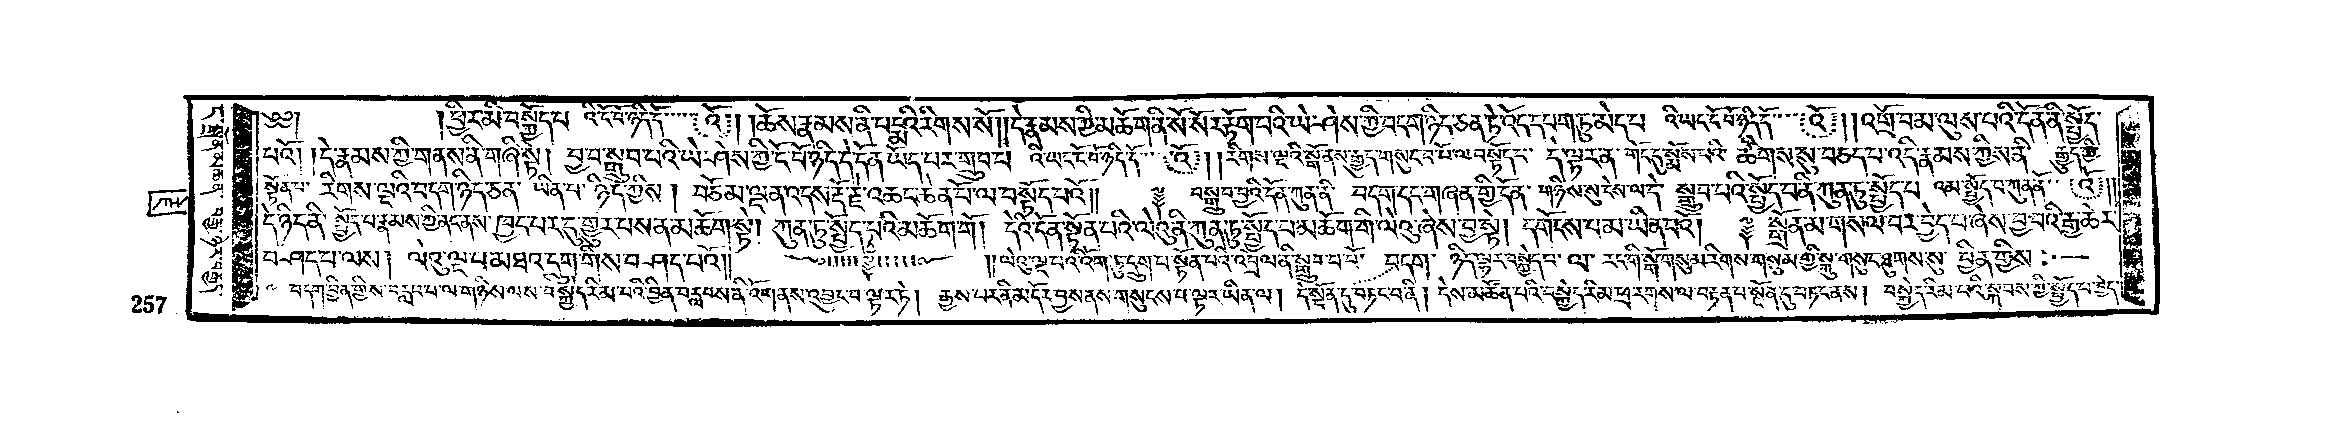༄༅། །ཕྱིར་མི་བསྐྱོད་པའི་ངོ་བོ་ཉིད་དོ་འོ། །ཆོས་རྣམས་ནི་པདམའི་རིགས་སོ། །དེ་རྣམས་ཀྱི་མཆོག་ནི་སོ་སོར་རྟོག་པའི་ཡེ་ཤེས་ཀྱི་བདག་ཉིད་ཅན་ཏེ་འོད་དཔག་ཏུ་མེད་པའི་ཡང་ངོ་བོ་ཉིད་དོ་འོ། །འགྲོ་བ་མ་ལུས་པའི་དོན་ནི་སྤྱོད་
པའོ། །དེ་རྣམས་ཀྱི་གནས་ནི་གཞི་སྟེ། བྱ་བ་སྒྲུབ་པའི་ཡེ་ཤེས་ཀྱི་ངོ་བོ་ཉིད་དེ་དོན་ཡོད་པར་གྲུབ་པའི་ཡང་ངོ་བོ་ཉིད་དོ་འོ། ། རིགས་ལྔའི་སྒོ་ནས་རྒྱུད་གསུང་བ་པོ་ལ་བསྟོད་པ་དེ་ལྟར་ན་གོང་དུ་སྨོས་པའི་ཚིགས་སུ་བཅད་པ་འདི་རྣམས་ཀྱིས་ནི་རྒྱུད་ཀྱི་
སྟོན་པ་རིགས་ལྔའི་བདག་ཉིད་ཅན་ཡིན་པ་ཉིད་ཀྱིས། བཅོམ་ལྡན་འདས་རྡོ་རྗེ་འཆང་ཆེན་པོ་ལ་བསྟོད་པའོ།། ༈ བསྒྲུབ་བྱའི་དོན་ཀུན་ནི་བདག་དང་གཞན་གྱི་དོན་གཉིས་སུ་ངེས་ལ་དེ་སྒྲུབ་པའི་སྤྱོད་པ་ནི་ཀུན་ཏུ་སྤྱོད་པ་འམ་སྤྱོད་པ་ཀུན་ནོ་འོ།
དེ་ཉིད་ནི་སྤྱོད་པ་རྣམས་ཀྱི་ནང་ནས་ཁྱད་པར་དུ་གྱུར་པས་ན་མཆོག་སྟེ། ཀུན་ཏུ་སྤྱོད་པའི་མཆོག་གོ །དེའི་དོན་སྟོན་པའི་ལེའུ་ནི་ཀུན་ཏུ་སྤྱོད་པ་མཆོག་གི་ལེའུ་ཞེས་བྱ་སྟེ། དགོངས་པ་མ་ཡིན་པའོ། ༈ སྒྲོན་མ་གསལ་བར་བྱེད་པ་ཞེས་བྱ་བའི་རྒྱ་ཆེར་
བཤད་པ་ལས། ལེའུ་ལྔ་པ་མཐའ་དྲུག་གིས་བཤད་པའོ།། .H.་།། ལེའུ་ལྔ་པའི་འོག་ཏུ་དྲུག་པ་སྟོན་པའི་འབྲེལ་ནི་སྒྲུབ་པ་པོ་བདག་ཉིད་ལྷར་བསྐྱེད་པ་ལ་རང་གི་སྒོ་གསུམ་རིགས་གསུམ་གྱི་སྐུ་གསུང་ཐུགས་སུ་བྱིན་གྱིས་
༧བདག་བྱིན་གྱིས་བརླབ་པ་ལ་གཉིས་ལས་བསྐྱེད་རིམ་པའི་བྱིན་བརླབས་ནི་འོག་ནས་འབྱུང་བ་ལྟར་ཏེ། རྒྱས་པར་ནི་མདོར་བྱས་ནས་གསུངས་པ་ལྟར་ཡིན་ལ། དེ་སྔོན་དུ་བཏང་བ་ནི། དེས་མཚོན་པའི་བསྐྱེད་རིམ་ཕྲ་རགས་ལ་བརྟན་པ་སྔོན་དུ་བཏང་ནས། བསྐྱེད་རིམ་པའི་སྐབས་ཀྱི་སྤྱོད་པ་བྱེད་